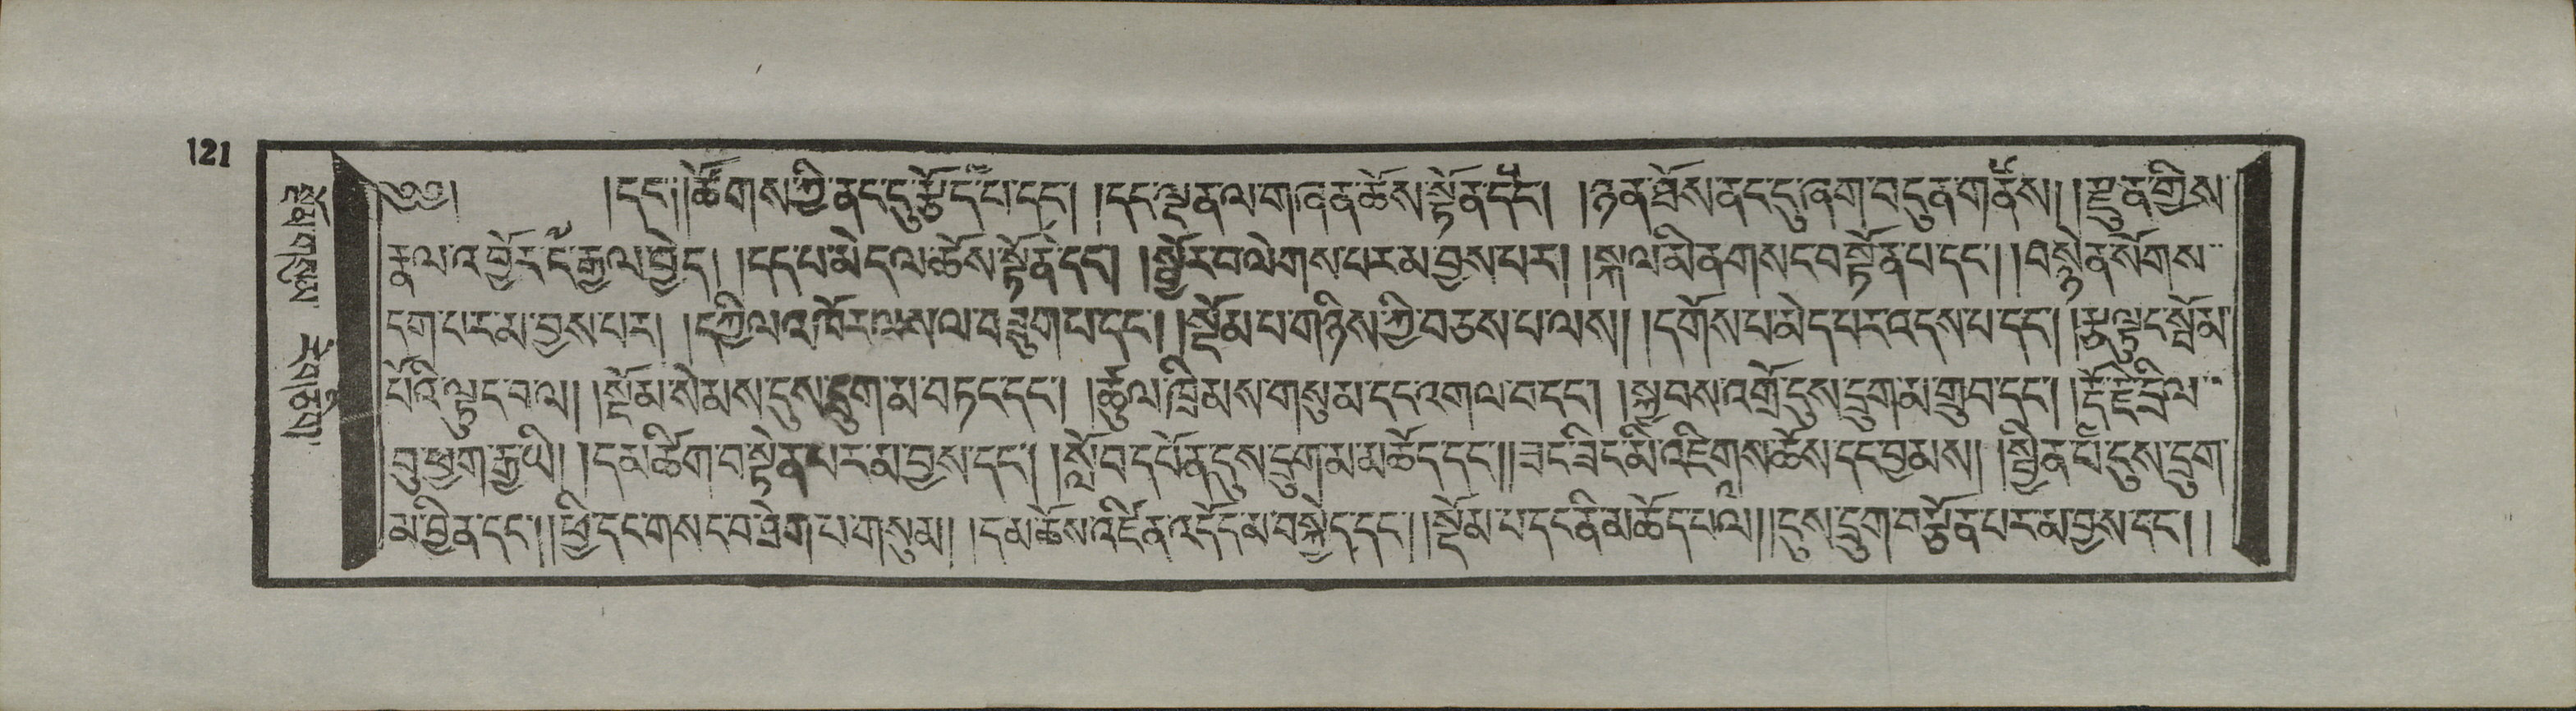༄༅། །དང་། །ཚོགས་ཀྱི་ནང་དུ་རྩོད ༤་པ་དང་། །དང་ལྡན་ལ་གཞན་ཆོས་སྟོན ༥་དང་། །ཉན་ཐོས་ནང་དུ་ཞག་བདུན ༦་གནས། །རྫུན་གྱིས་
རྣལ་འབྱོར ༧་ང་རྒྱལ་བྱེད། །དད་པ་མེད་ལ་ཆོས་སྟོན་དང་། །སྦྱོར་བ་ལེགས་པར་མ་བྱས་པར། །སྐལ་མིན་གསང་བ་སྟོན་པ་དང་། །བསྙེན་སོགས་
དག་པར་མ་བྱས་པར། །དཀྱིལ་འཁོར་ལས་ལ་བཟུག་པ་དང་། །སྡོམ་པ་གཉིས་ཀྱི་བཅས་པ་ལས། །དགོས་པ་མེད་པར་འདས་པ་དང་། །རྩ་ལྟུང་སྦོམ་
པོའི་ལྟུང་བ་ལ། །སྡོམ་སེམས་དུས་དྲུག་མ་བཏང་དང་། །ཚུལ་ཁྲིམས་གསུམ་དང་འགལ་བ་དང་། །སྐྱབས་འགྲོ་དུས་དྲུག་མ་གྲུབ་དང་། །རྡོ་རྗེ་དྲིལ་
བུ་ཕྱག་རྒྱ་ཡི། །དམ་ཚིག་བསྟེན་པར་མ་བྱས་དང་། །སློབ་དཔོན་དུས་དྲུག་མ་མཆོད་དང་། །ཟང་ཟིང་མི་འཇིགས་ཆོས་དང་བྱམས། །སྦྱིན ༤་པ་དུས་དྲུག་
མ་བྱིན་དང་། །ཕྱི་དང་གསང་བ་ཐེག་པ་གསུམ། །དམ་ཆོས་འཛིན་འདོད་མ་བསྐྱེད་དང་། །སྡོམ་པ་དང་ནི་མཆོད་པ་ལ། །དུས་དྲུག་བརྩོན་པར་མ་བྱས་དང་། །